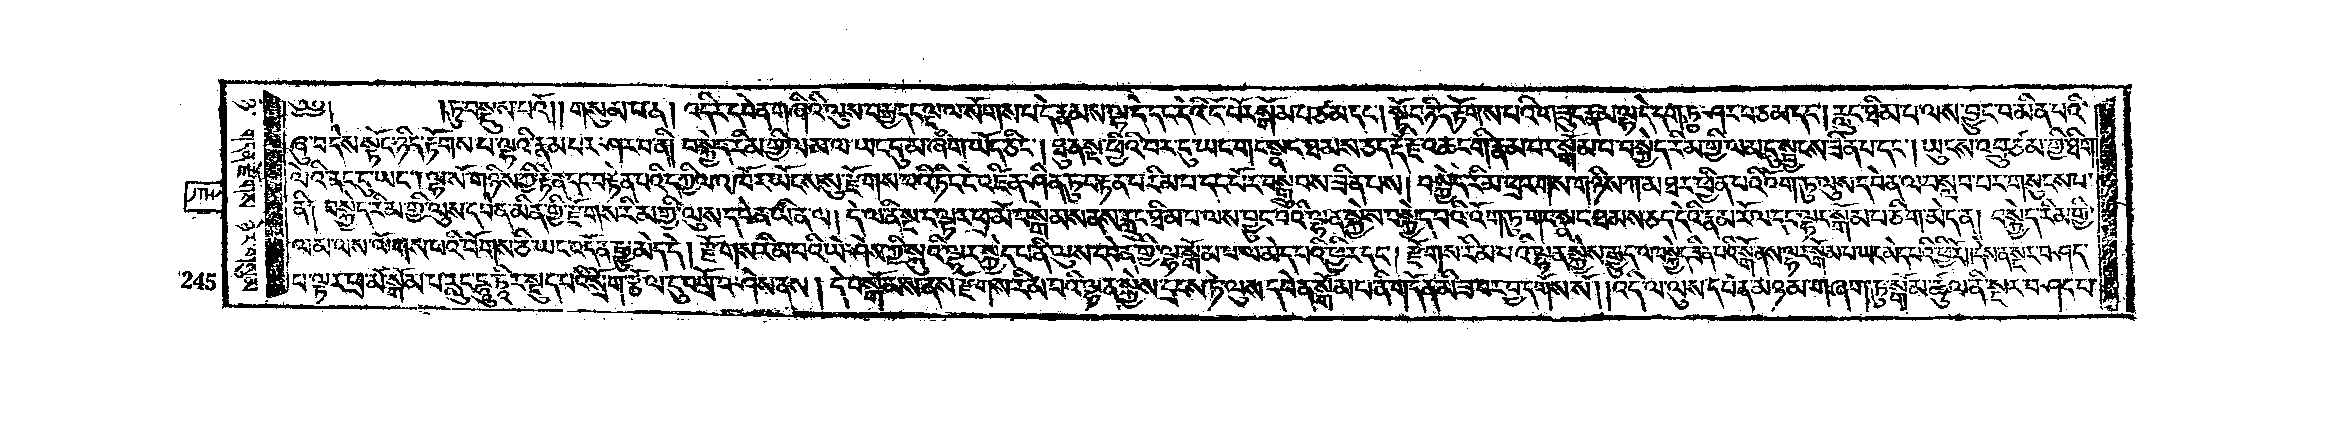༄༅། །ཏུ་བསྡུས་པའོ། །གསུམ་པ་ནི། འདིར་དབེན་གཞིའི་ལུས་བརྒྱ་དང་ལྔ་ལ་སོགས་པ་དེ་རྣམས་ལྷ་དེ་དང་དེའི་ངོ་བོར་སྒོམ་པ་ཙམ་དང་། སྟོང་ཉིད་རྟོགས་པའི་གཟུང་རྣམ་ལྷ་དེ་དག་ཏུ་ཤར་བ་ཙམ་དང་། རླུང་ཐིམ་པ་ལས་བྱུང་བ་མིན་པའི་
ཞུ་བདེས་སྟོང་ཉིད་རྟོགས་པ་ལྷའི་རྣམ་པར་ཤར་བ་ནི། བསྐྱེད་རིམ་གྱི་ལམ་ལ་ཡང་དུ་མ་ཞིག་ཡོད་ཅིང་། ཐུན་སྔ་ཕྱིའི་བར་དུ་ཡང་གང་སྣང་ཐམས་ཅད་རྡོ་རྗེ་འཆང་གི་རྣམ་པར་སྒོམ་པ་བསྐྱེད་རིམ་གྱི་ལམ་དུ་སྦྱངས་ཟིན་པ་དང་། ཡུངས་འབྲུ་ཙམ་གྱི་ཐིག་
ལེའི་ནང་དུ་ཡང་། ལྷ་སོ་གཉིས་ཀྱི་རྟེན་དང་བརྟེན་པའི་དཀྱིལ་འཁོར་ཡོངས་སུ་རྫོགས་པའི་ཏིང་ངེ་འཛིན་ཤིན་ཏུ་བརྟན་པ་རིམ་པ་དང་པོར་བསྒྲུབས་ཟིན་པས། བསྐྱེད་རིམ་ཕྲ་རགས་གཉིས་ཀ་མཐར་ཕྱིན་པའི་འོག་ཏུ་ལུས་དབེན་ལ་བསླབ་པར་གསུངས་པ་
ནི། བསྐྱེད་རིམ་གྱི་ལུས་དབེན་མིན་གྱི་རྫོགས་རིམ་གྱི་ལུས་དབེན་ཡིན་ལ། དེ་ལ་ནི་སྔར་ལྟར་ཕྲ་མོ་བསྒོམས་ནས་རླུང་ཐིམ་པ་ལས་བྱུང་བའི་ལྷན་སྐྱེས་བསྐྱེད་པའི་འོག་ཏུ་གང་སྣང་ཐམས་ཅད་དེའི་རྣམ་རོལ་དང་ལྷར་སྒོམ་པ་ཅིག་མེད་ན། བསྐྱེད་རིམ་གྱི་
ལམ་ལས་ལོགས་པའི་བོགས་ཅི་ཡང་འདོན་རྒྱུ་མེད་དེ། རྫོགས་རིམ་པའི་ཡེ་ཤེས་ཀྱི་སྐུའི་ལྷར་སྐྱེད་པ་ནི་ལུས་དབེན་གྱི་ལྷ་སྒོམ་པ་ལ་མེད་པའི་ཕྱིར་དང་། རྫོགས་རིམ་པའི་ལྷན་སྐྱེས་རྒྱུད་ལ་བསྐྱེད་ཟིན་པའི་སྒོ་ནས་ལྷར་སྒོམ་པ་ཡང་མེད་པའི་ཕྱིར་རོ། །དེས་ན་སྔར་བཤད་
པ་ལྟར་ཕྲ་མོ་སྒོམ་པ་རླུང་དྷཱུ་ཏཱིར་སྡུད་པའི་སྲོག་རྩོལ་དུ་འགྲོ་བ་ཤེས་ནས། དེ་བསྒོམས་ནས་རྫོགས་རིམ་པའི་ལྷན་སྐྱེས་དྲངས་ཏེ་ལུས་དབེན་སྒོམ་པ་ནི་གདོན་མི་ཟ་བར་བྱ་དགོས་སོ། །འདི་ལ་ལུས་དབེན་མཉམ་གཞག་ཏུ་སྒོམ་ཚུལ་ནི་སྔར་བཤད་པ་